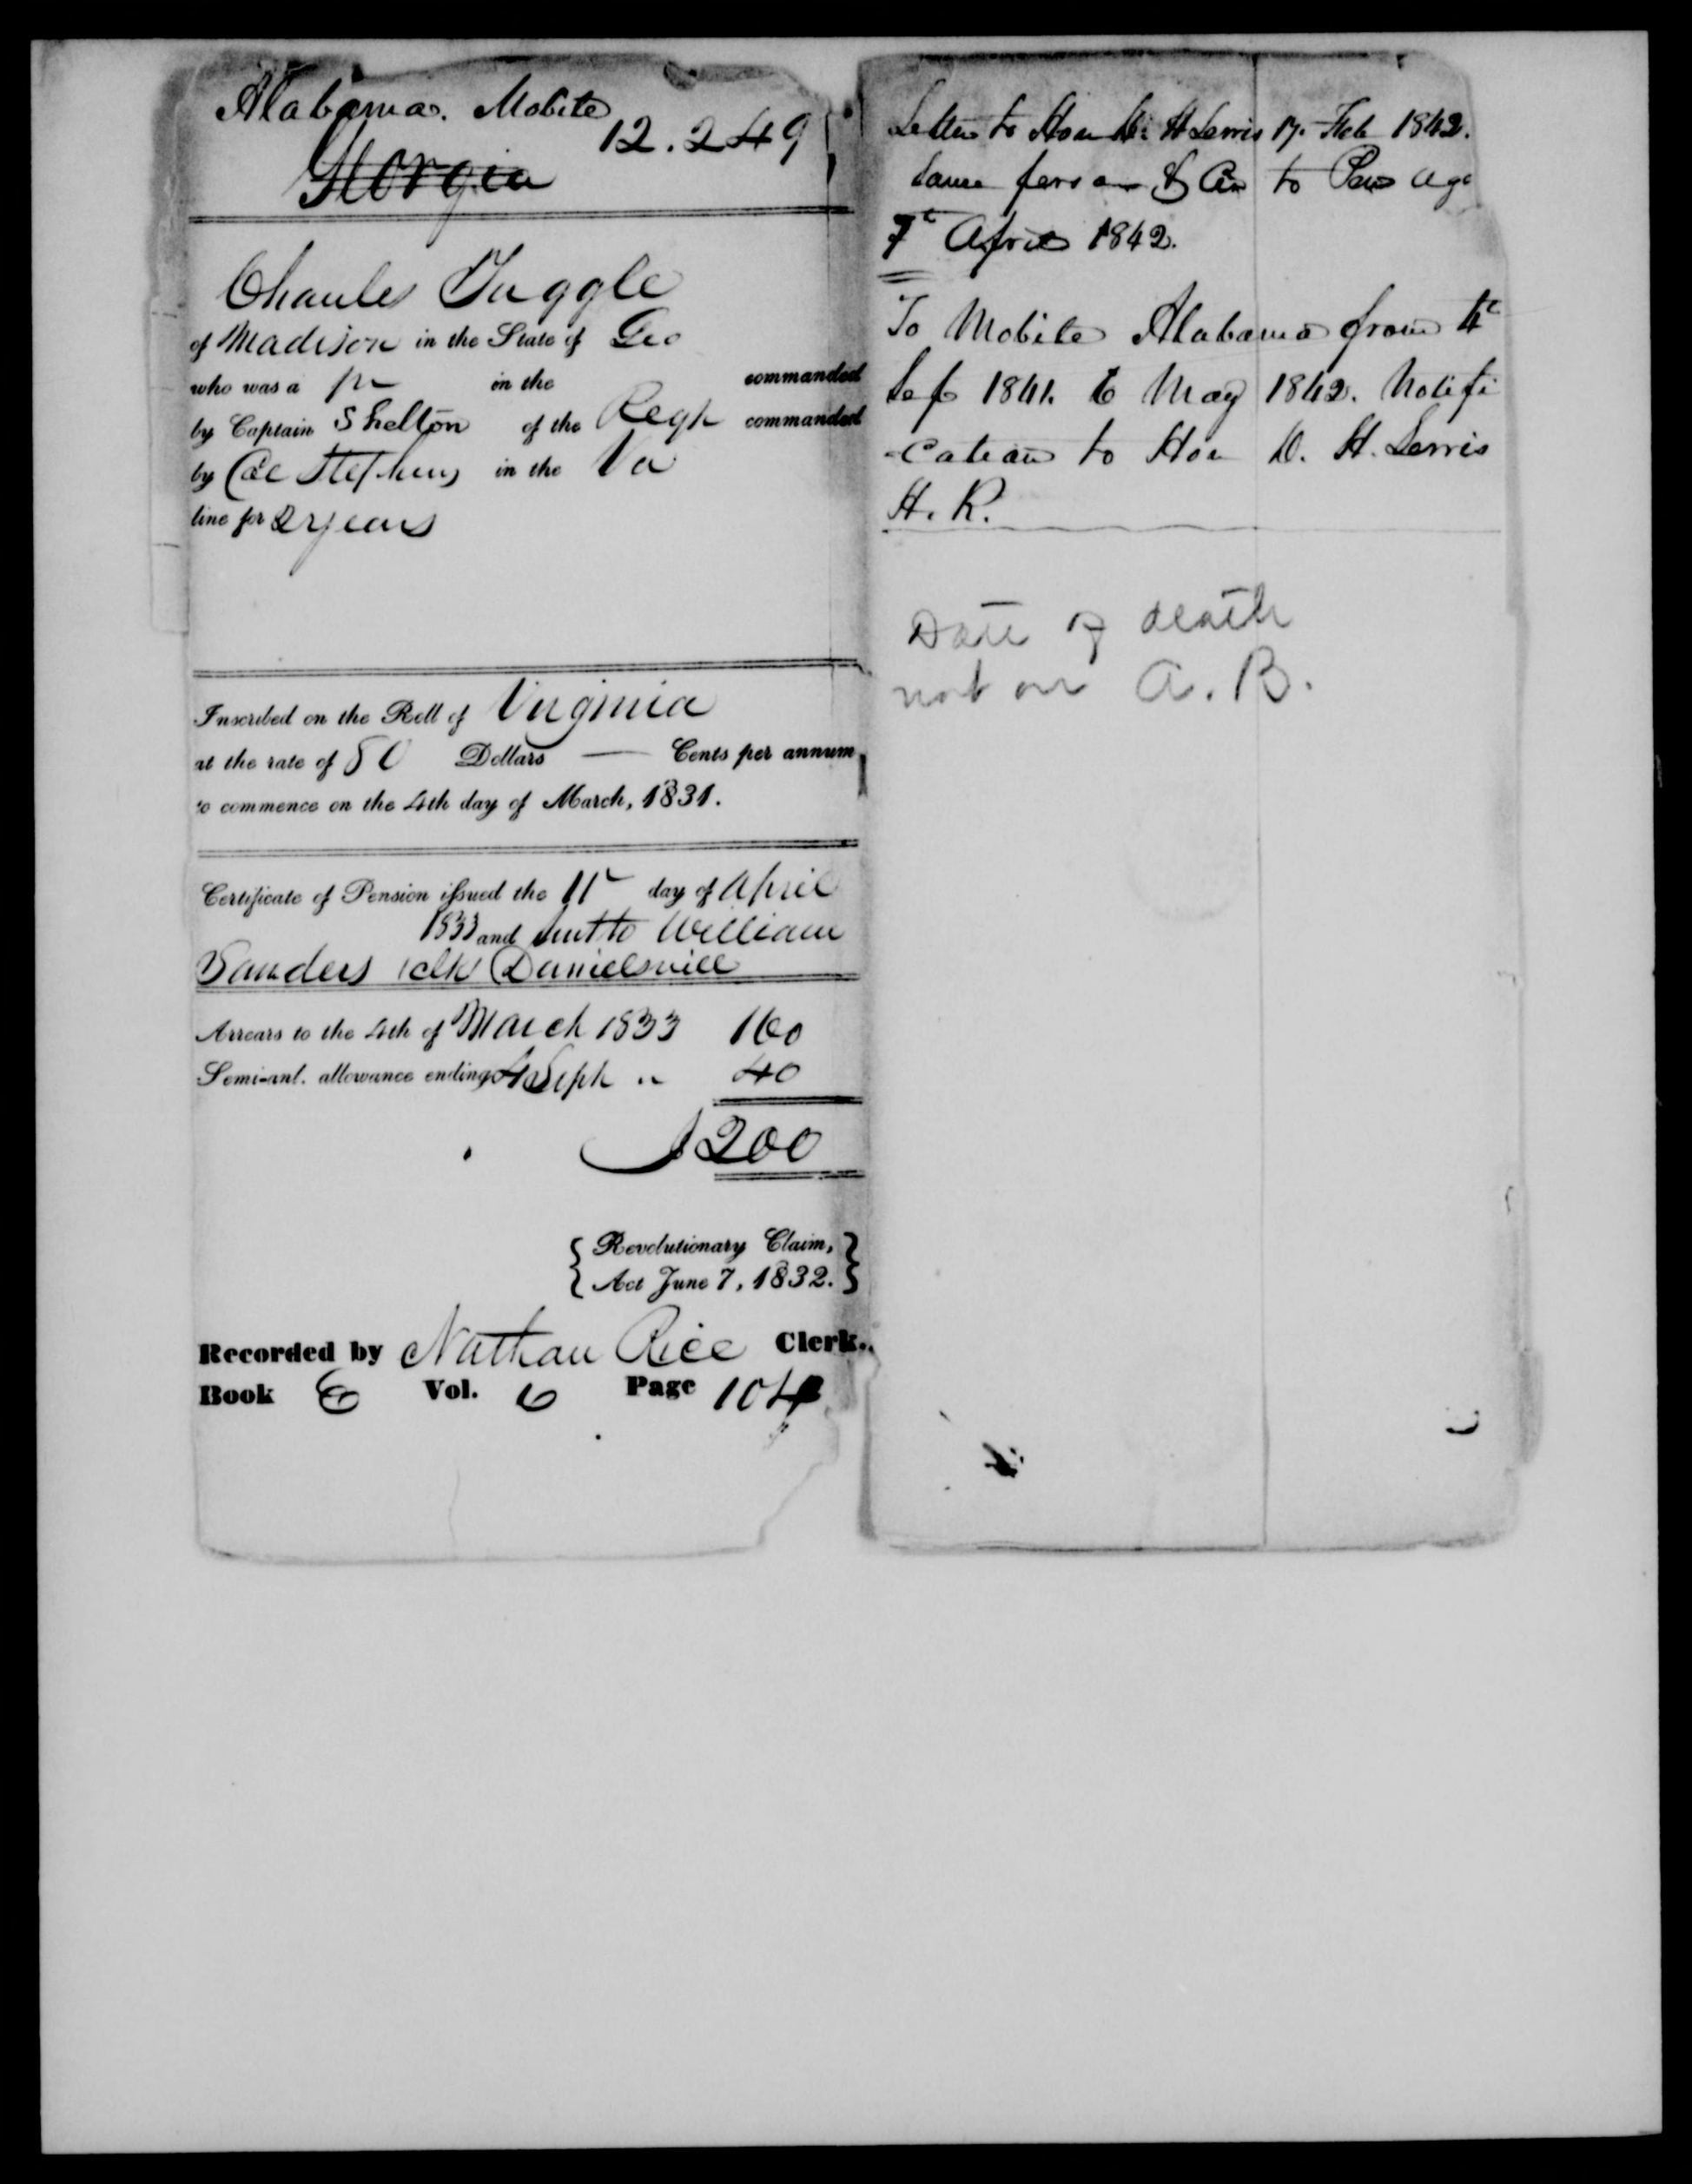Alabama, Mobile
12.249
Charles Tuggle
of Madison in the State of Geo
who was a [illegible] in the [blank] commanded
by Captain Shelton of the Regiment commanded
by Col Stephens in the Va
line for 2 years
Inscribed on the Roll of Virginia
at the rate of 80 Dollars - Cents per annum
to commence on the 4th day of March, 1831.
Certificate of Pension issued the 11 day of April 1833
and sent to William Sanders / Clk Danielsville
Arrears to the 4th of March 1833 160
Semi-anl. allowance 4 Sept - 40
Total 200
Revolutionary Claim,
Act June 7, 1832.
Recorded by Nathan Rice
Clerk
Book E Vol. 6 Page 104
Letter to the Hon D. H. Lewis 17 Feb 1843.
[illegible]
7 April 1842.
---
To Mobile Alabama from 4th Sep 1841. 6 May 1842. 
Notification to Hon D. H. Lewis
H. R.
Date of death
not on A. B.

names: Nathan Rice, Stephens, William Sanders, H Lewis, Shelton, D H Lewis, Charles Tuggle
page: 2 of 23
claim: survivor's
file: S. 32559, Charles Tuggle, Va.